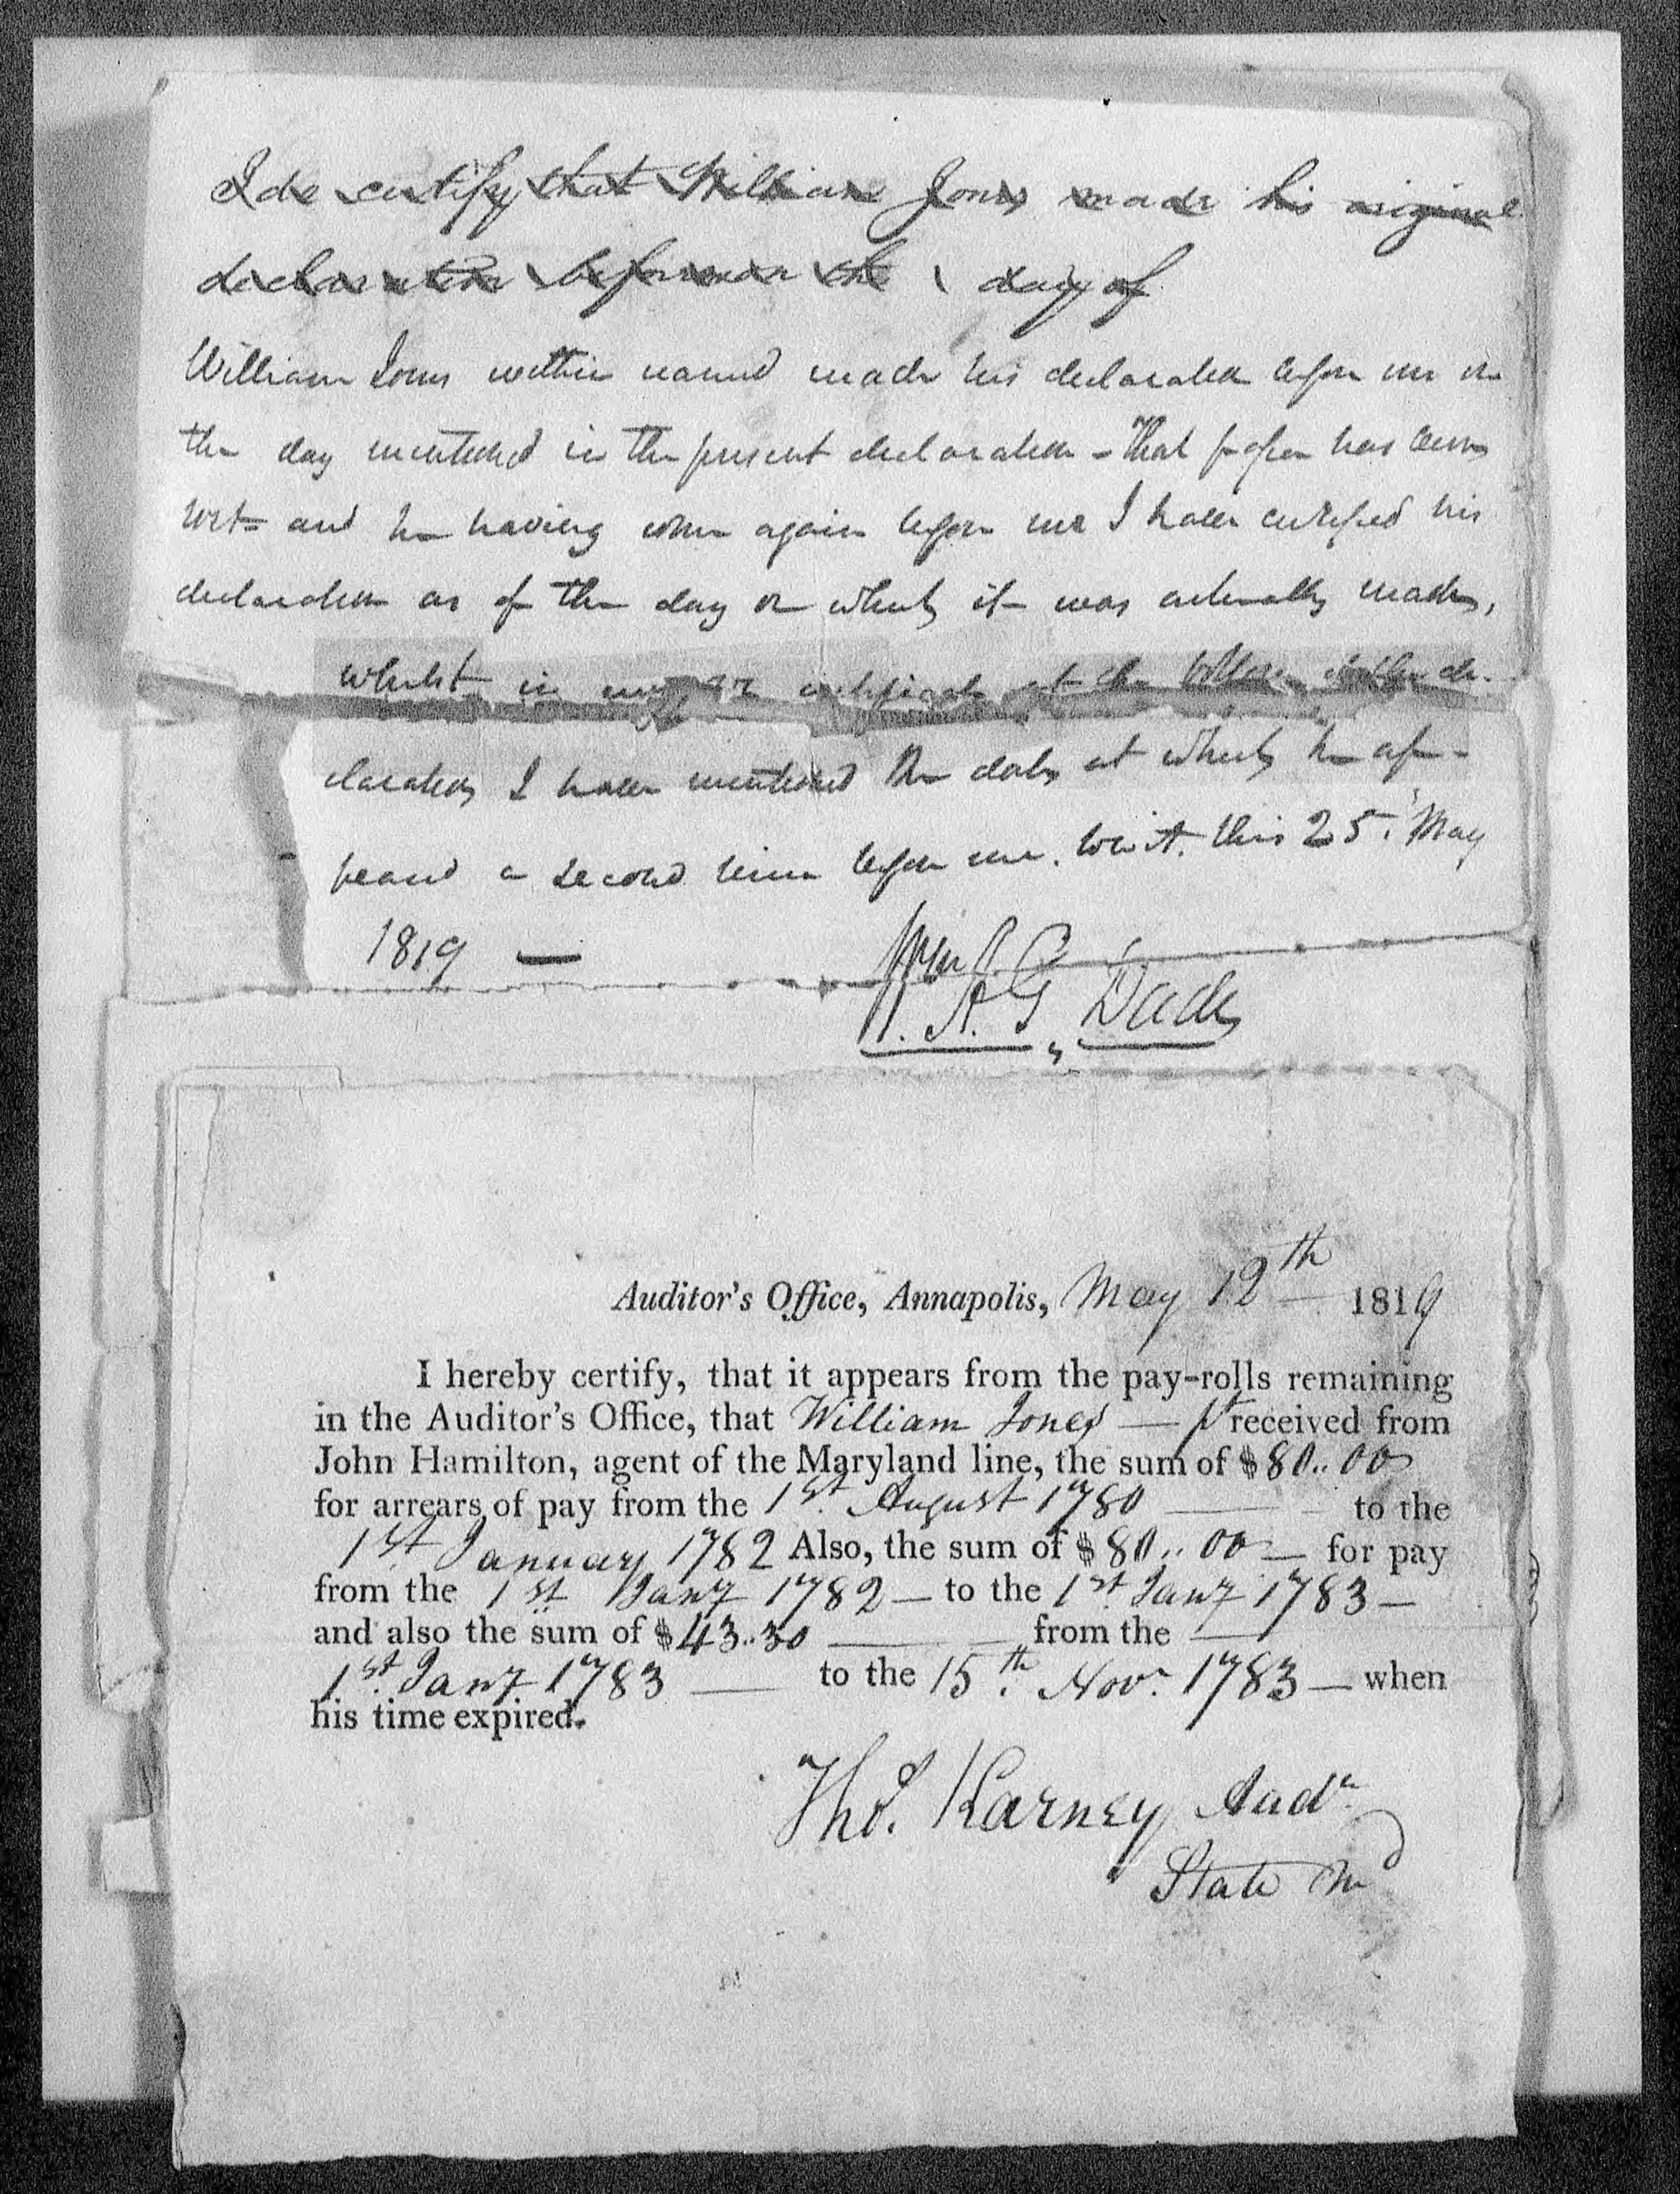I do certify that William Jones made his original declaration before me on the  day of [sentence crossed out]
William Jones within named made his declaration before me on the day mentioned in the present declaration. That [illegible] has been sent and he having come again before me I have certified his declaration as of the day on which it was actually made.
Whilst in award of certificate of cl [illegible] I have mentioned the date at which he appeared a second time before me to wit this 25 May 1819 --
Wm. A.G. Dade

Auditor's Office, Annapolis, May 12th 1819
I hereby certify, that it appears from the pay-rolls remaining in the Auditor's Office, that William Jones -- pt received from John Hamilton, agent of the Maryland line, the sum of $80.00--for pay from the 1st Jany 1782--to the 1st Jany 1783--and also the sum of $43.30 --- from the --1st Jany 1783 -- to the 15th Nov. 1783 -- when his time expired.
Thos. Karney Aud.
State Md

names: William Jones; Wm A G Dade; Thos Karney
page: 18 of 39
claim: widow's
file: W 6292, for William Jones, Maryland